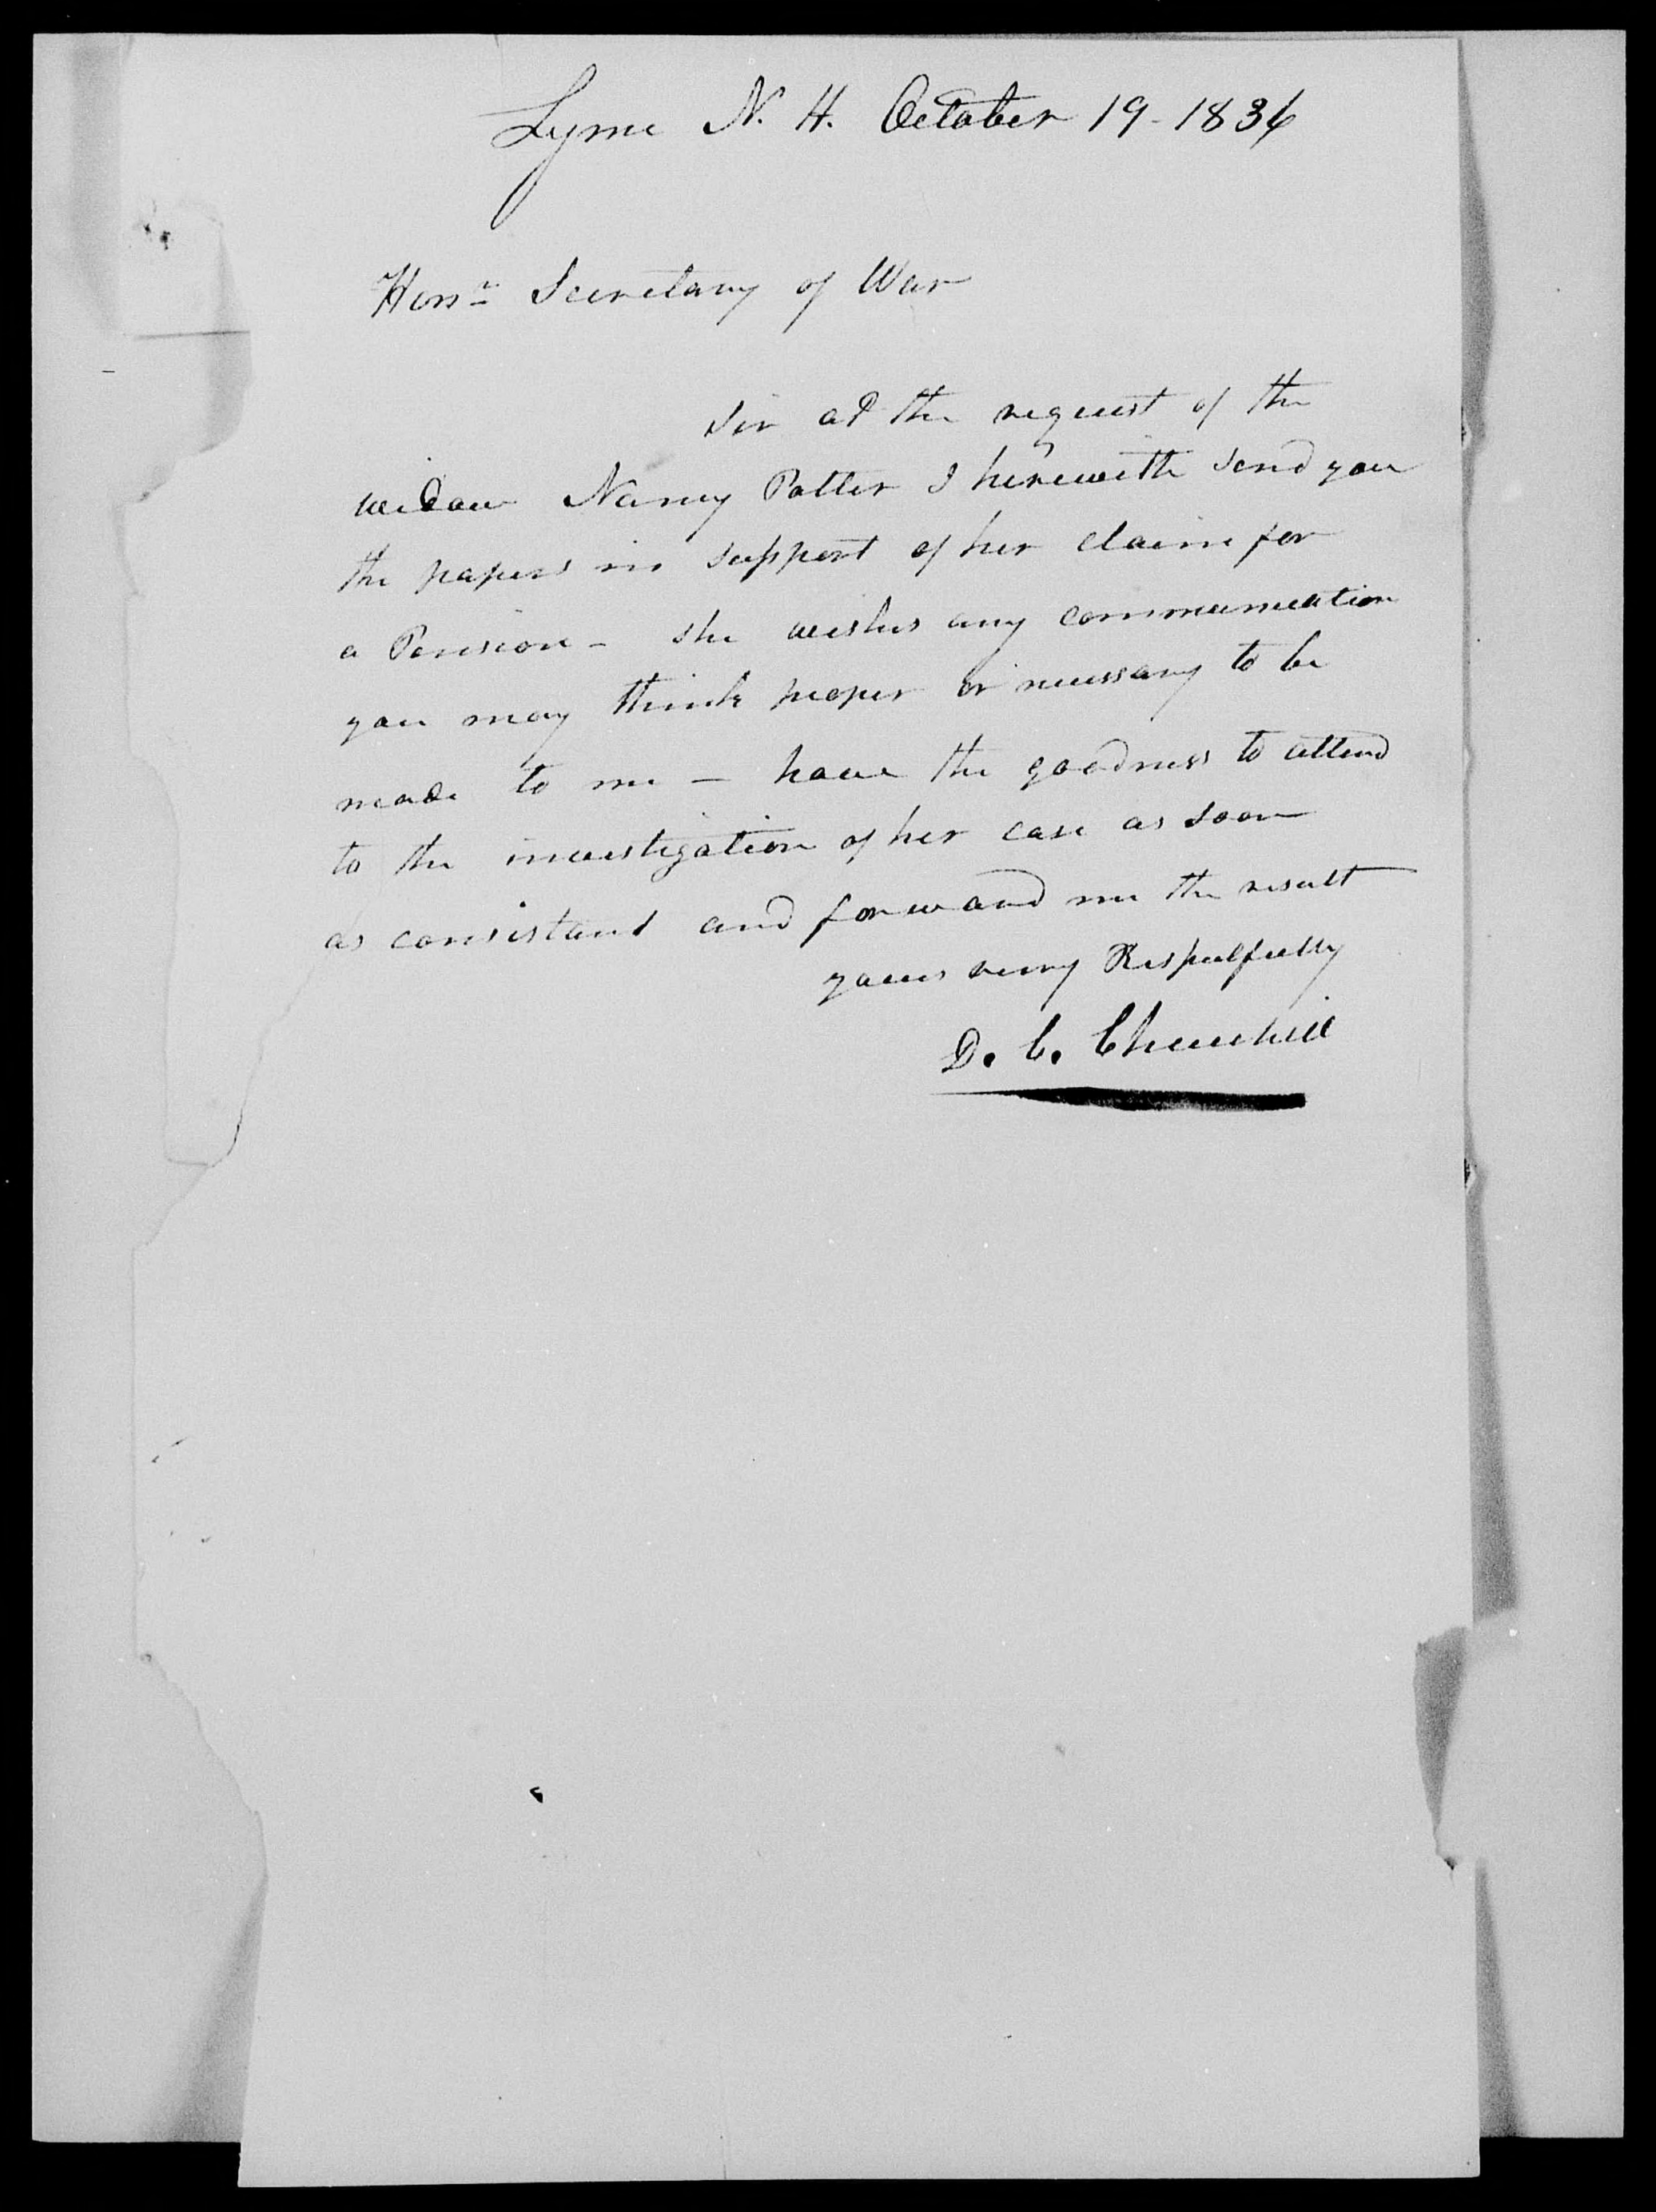Lyme N. H.  October 19 1836

Hon. Secretary of War

Sir at the request of the widow Nancy Potter I herewith send you the papers in support of her claim for a Pension,  She wishes any communication you may think proper or necessary to be made to me  - have the goodness to attend to the investigation of her case as soon as (illegible) and forward me the result.

Yours very Respectfully
D. C. Churchill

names: Nancy Potter; D C Churchill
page: 37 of 40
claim: widow's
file: W. 16058, for George Potter, Rhode Island